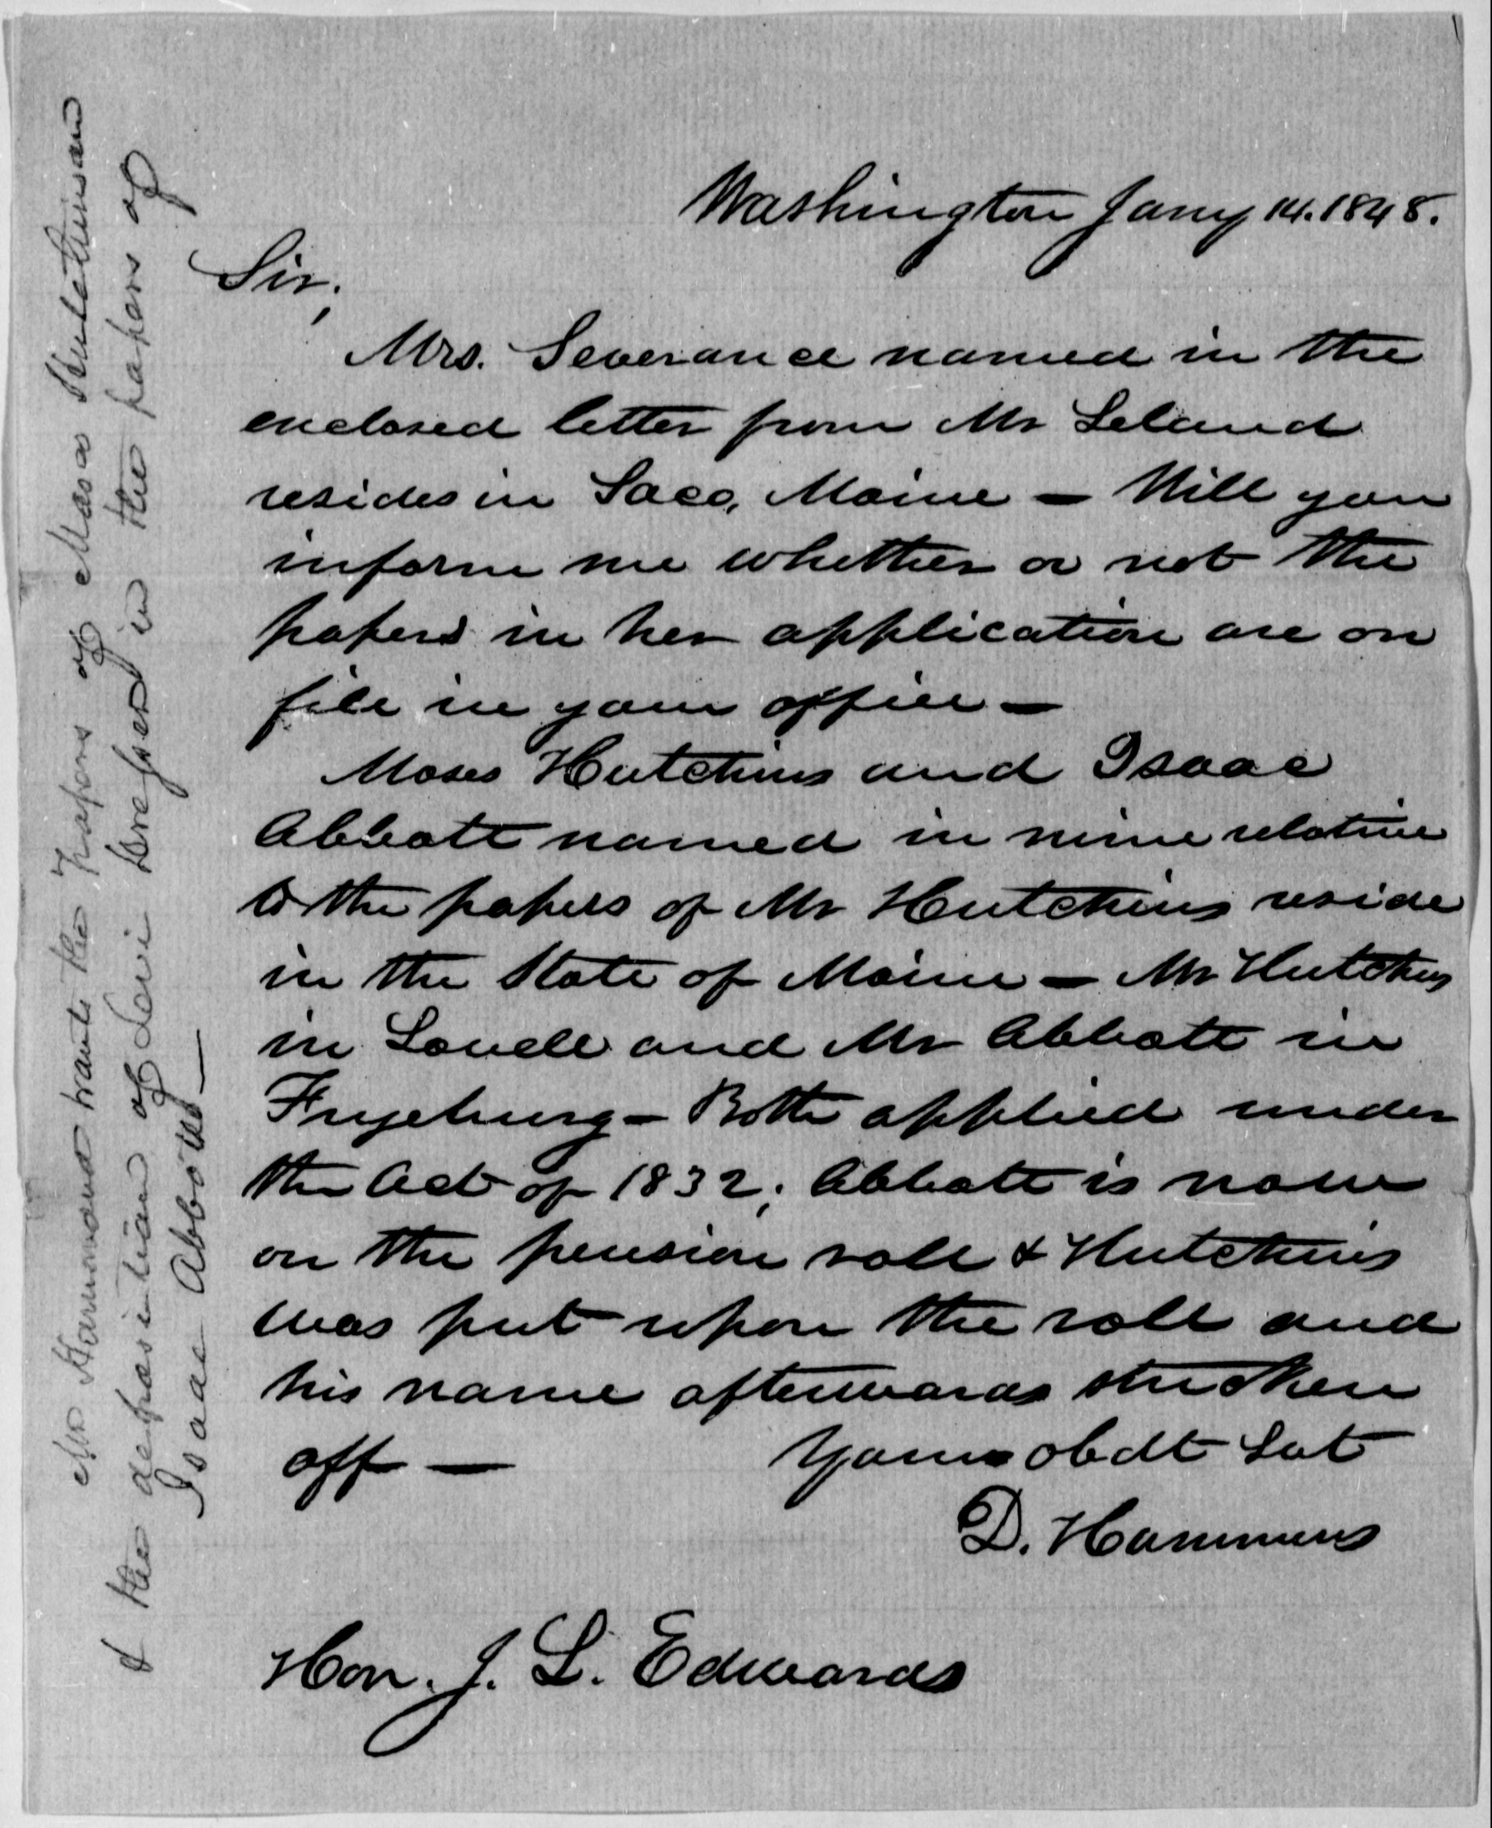[LEFT VERTICAL]
Mr. Hammond wants the papers of Moses Hutchins and of the deposition of Levi Dresser in the papers of Isaac Abbott.

[CENTER PROPER]
Washington, Jany 14, 1848

Sir,
Mrs. Severance, named in the enclosed letter from Mr. Leland, resides in Saco, Maine - Well you inform me whether or not the papers in her application are on file in your officer-
Moses Hutchins and Isaac Abbott, named in mine, relative to the papers of Mr. Hutchins, reside in the State of Maine - Mr. Hutchins in Lowell and Mr. Abbott in Fryeburg - Both applied under the Act of 1832; Abbott is now on the pension roll + Hutchins was put upon the roll and his name afterwards stricken off -
Your obd't sv't
[SIGNED: D. Hammond]


Hon. J. L. Edwards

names: D Hammens, Moses Hutchins, Severance, Isaac Abbott, Abbott, J L Edwards, Abbott, Leland, Hutchins, Isaac Abbott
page: 68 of 86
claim: survivor's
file: S 29,568, Isaac Abbot, Mass